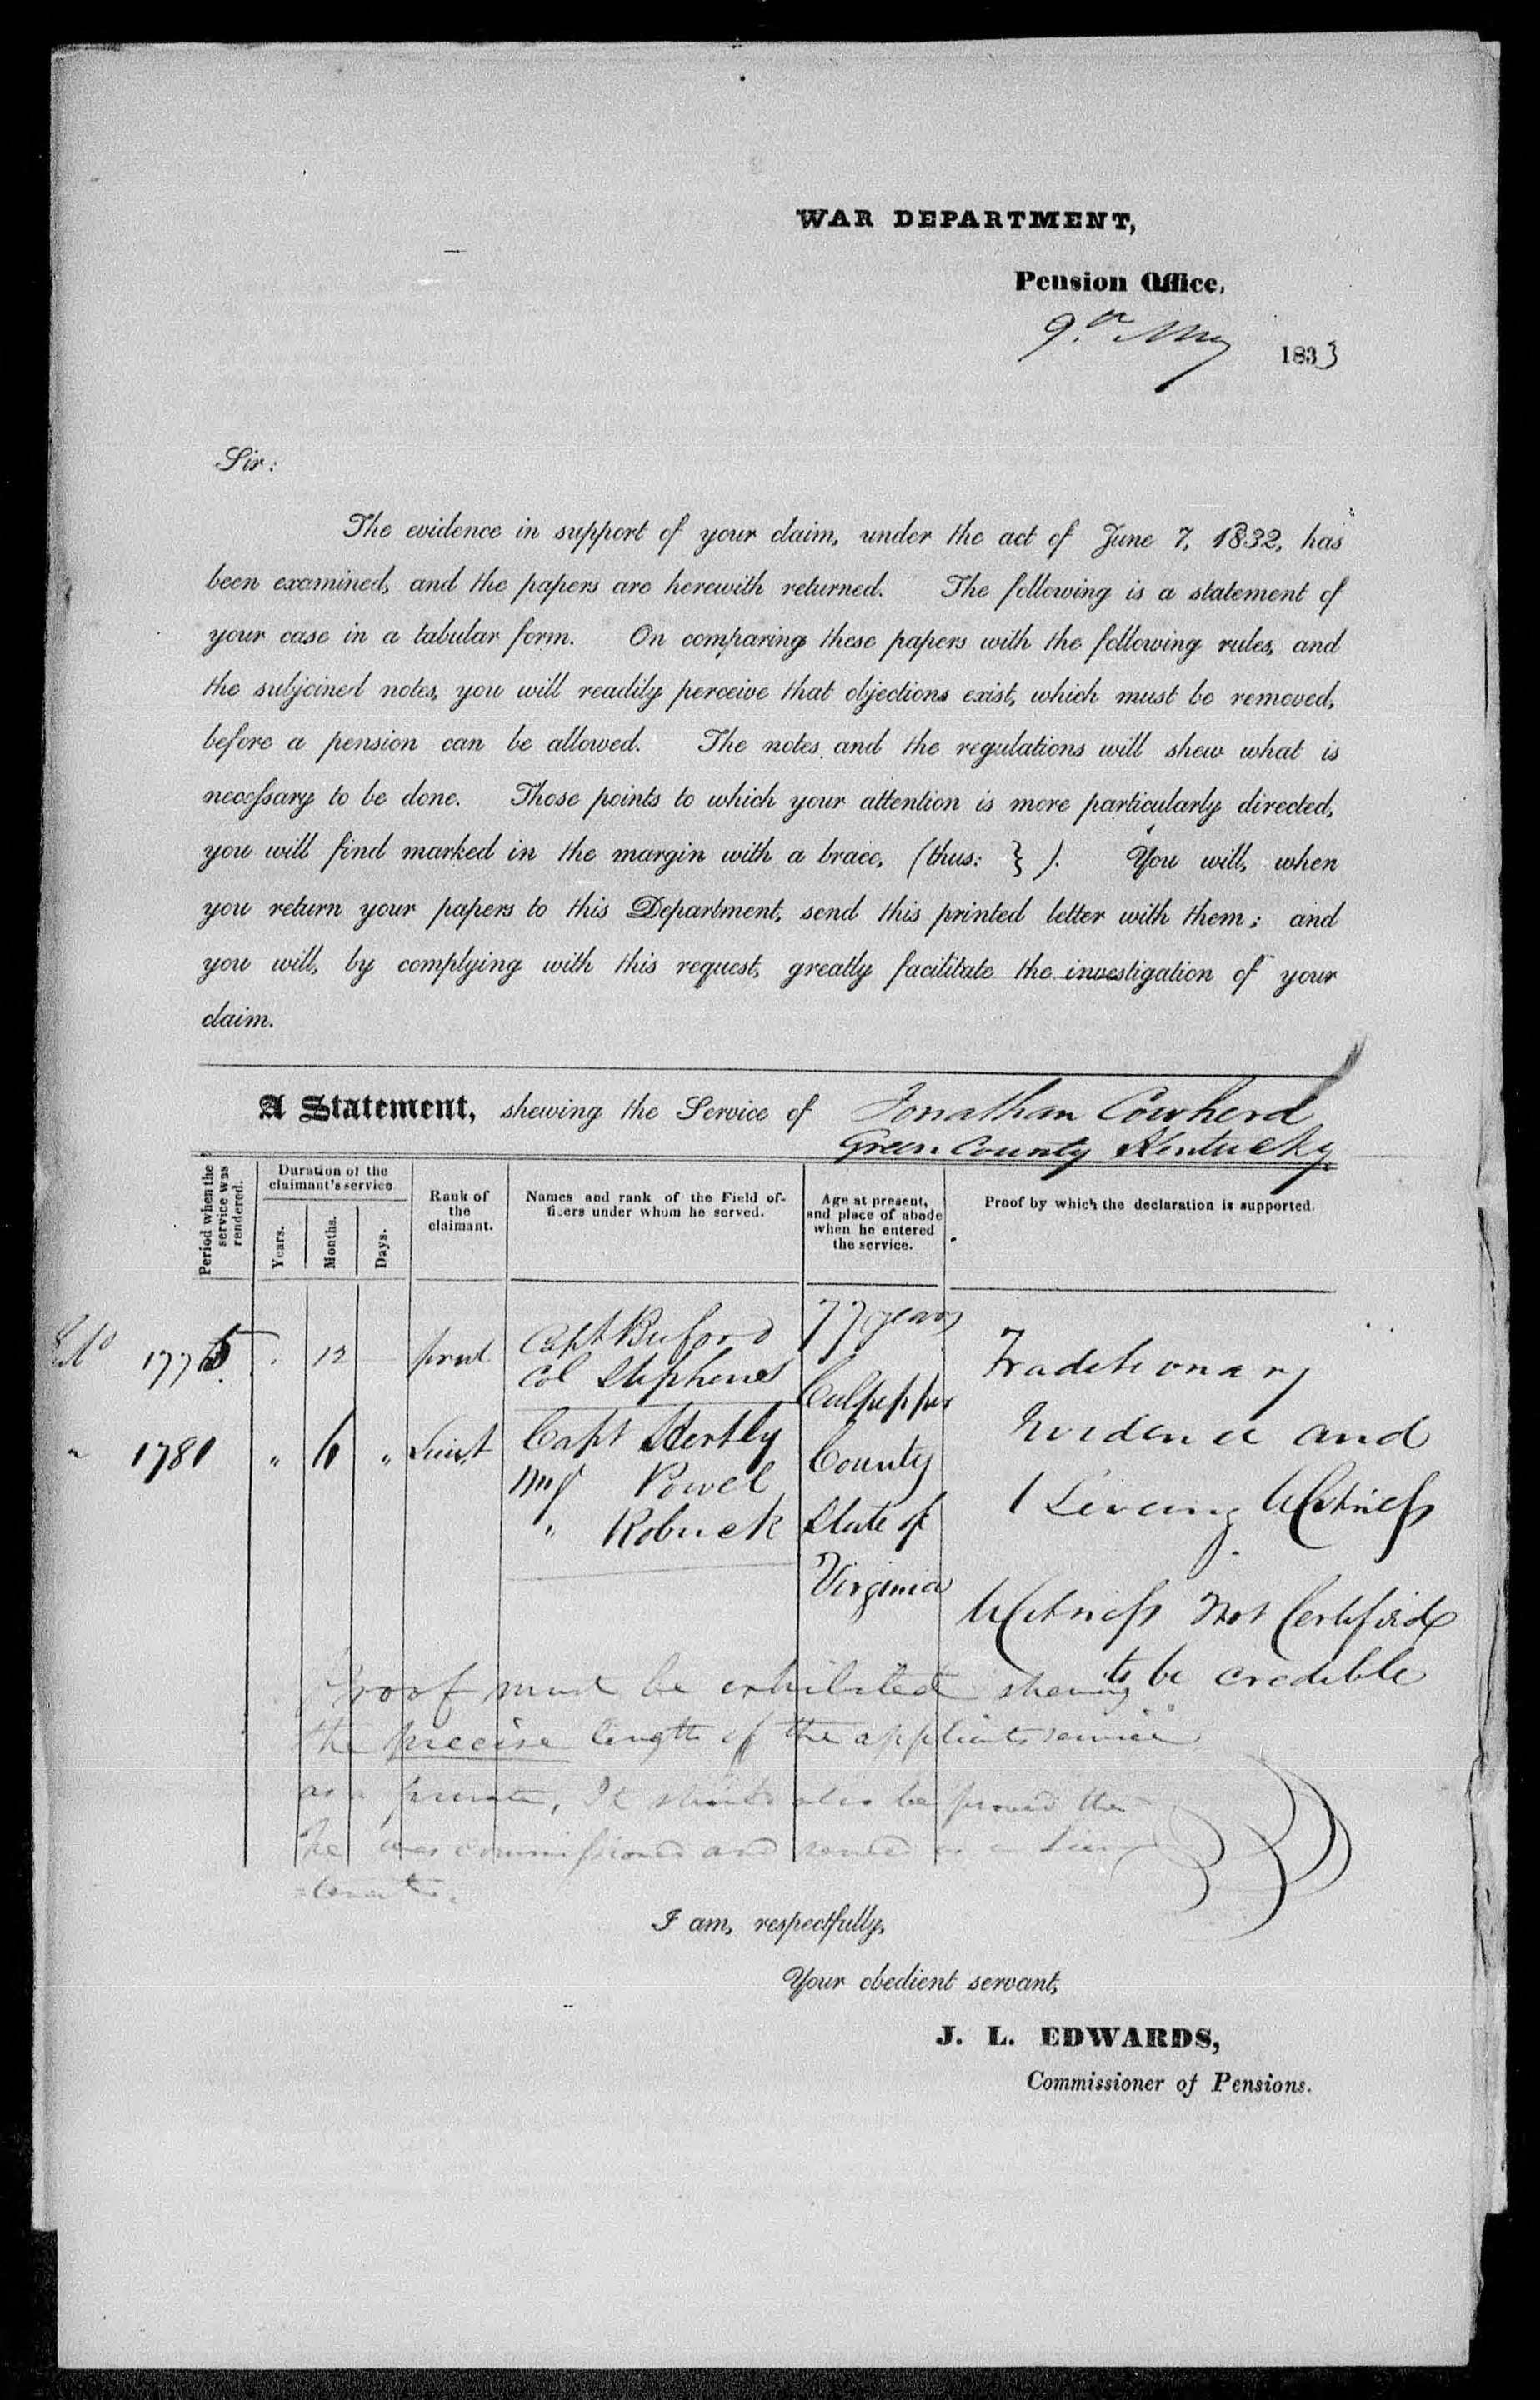WAR DEPARTMENT.
Pension Office,
9th May 1833
Sir:
The evidence in support of your claim, under the act of June 7, 1832, has
been examined, and the papers are herewith returned. The following is a statement of
your case in a tabular form. On comparing these papers with the following rules, and
the subjoined notes, you will readily perceive that objections exist, which must be removed,
before a pension can be allowed. the notes and the regulations will shew what is
necessary to be done. Those points to which your attention is more particularly directed,
you will find marked in the margin with a brace, (thus: }). You will, when
you return your papers to this Department, send this printed letter with them; and
you will, by complying with this request, greatly facilitate the investigation of your
claim.
A Statement, shewing the Service of
Jonathan Cowherd Green County Kentucky
Served 1775, 12 months, rank private, served under Capt Buford & Col Stephens
Served 1781, 6 months, rank Lieut., served under Capt Heatley, Maj Powel, Maj Robuck
Age at present 77 years, place of abode Culpepper County State of Virginia
Proof by traditionary evidence and 1 Living Witness
Witness not certified to be credible
Proof must be exhibited showing the precise length of the applicants service as a private, It should also be proved that he was commissioned and served as a Lieutenant

I am, respectfully,
Your obedient servant,
J. L. EDWARDS,
Commissioner of Pensions.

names: Jonathan Cowherd, Powel, Robuck, Buford, Stephens, Kertly, J L Edwards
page: 13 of 46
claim: widow's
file: W 8619, Jonathan Cowherd, Va.